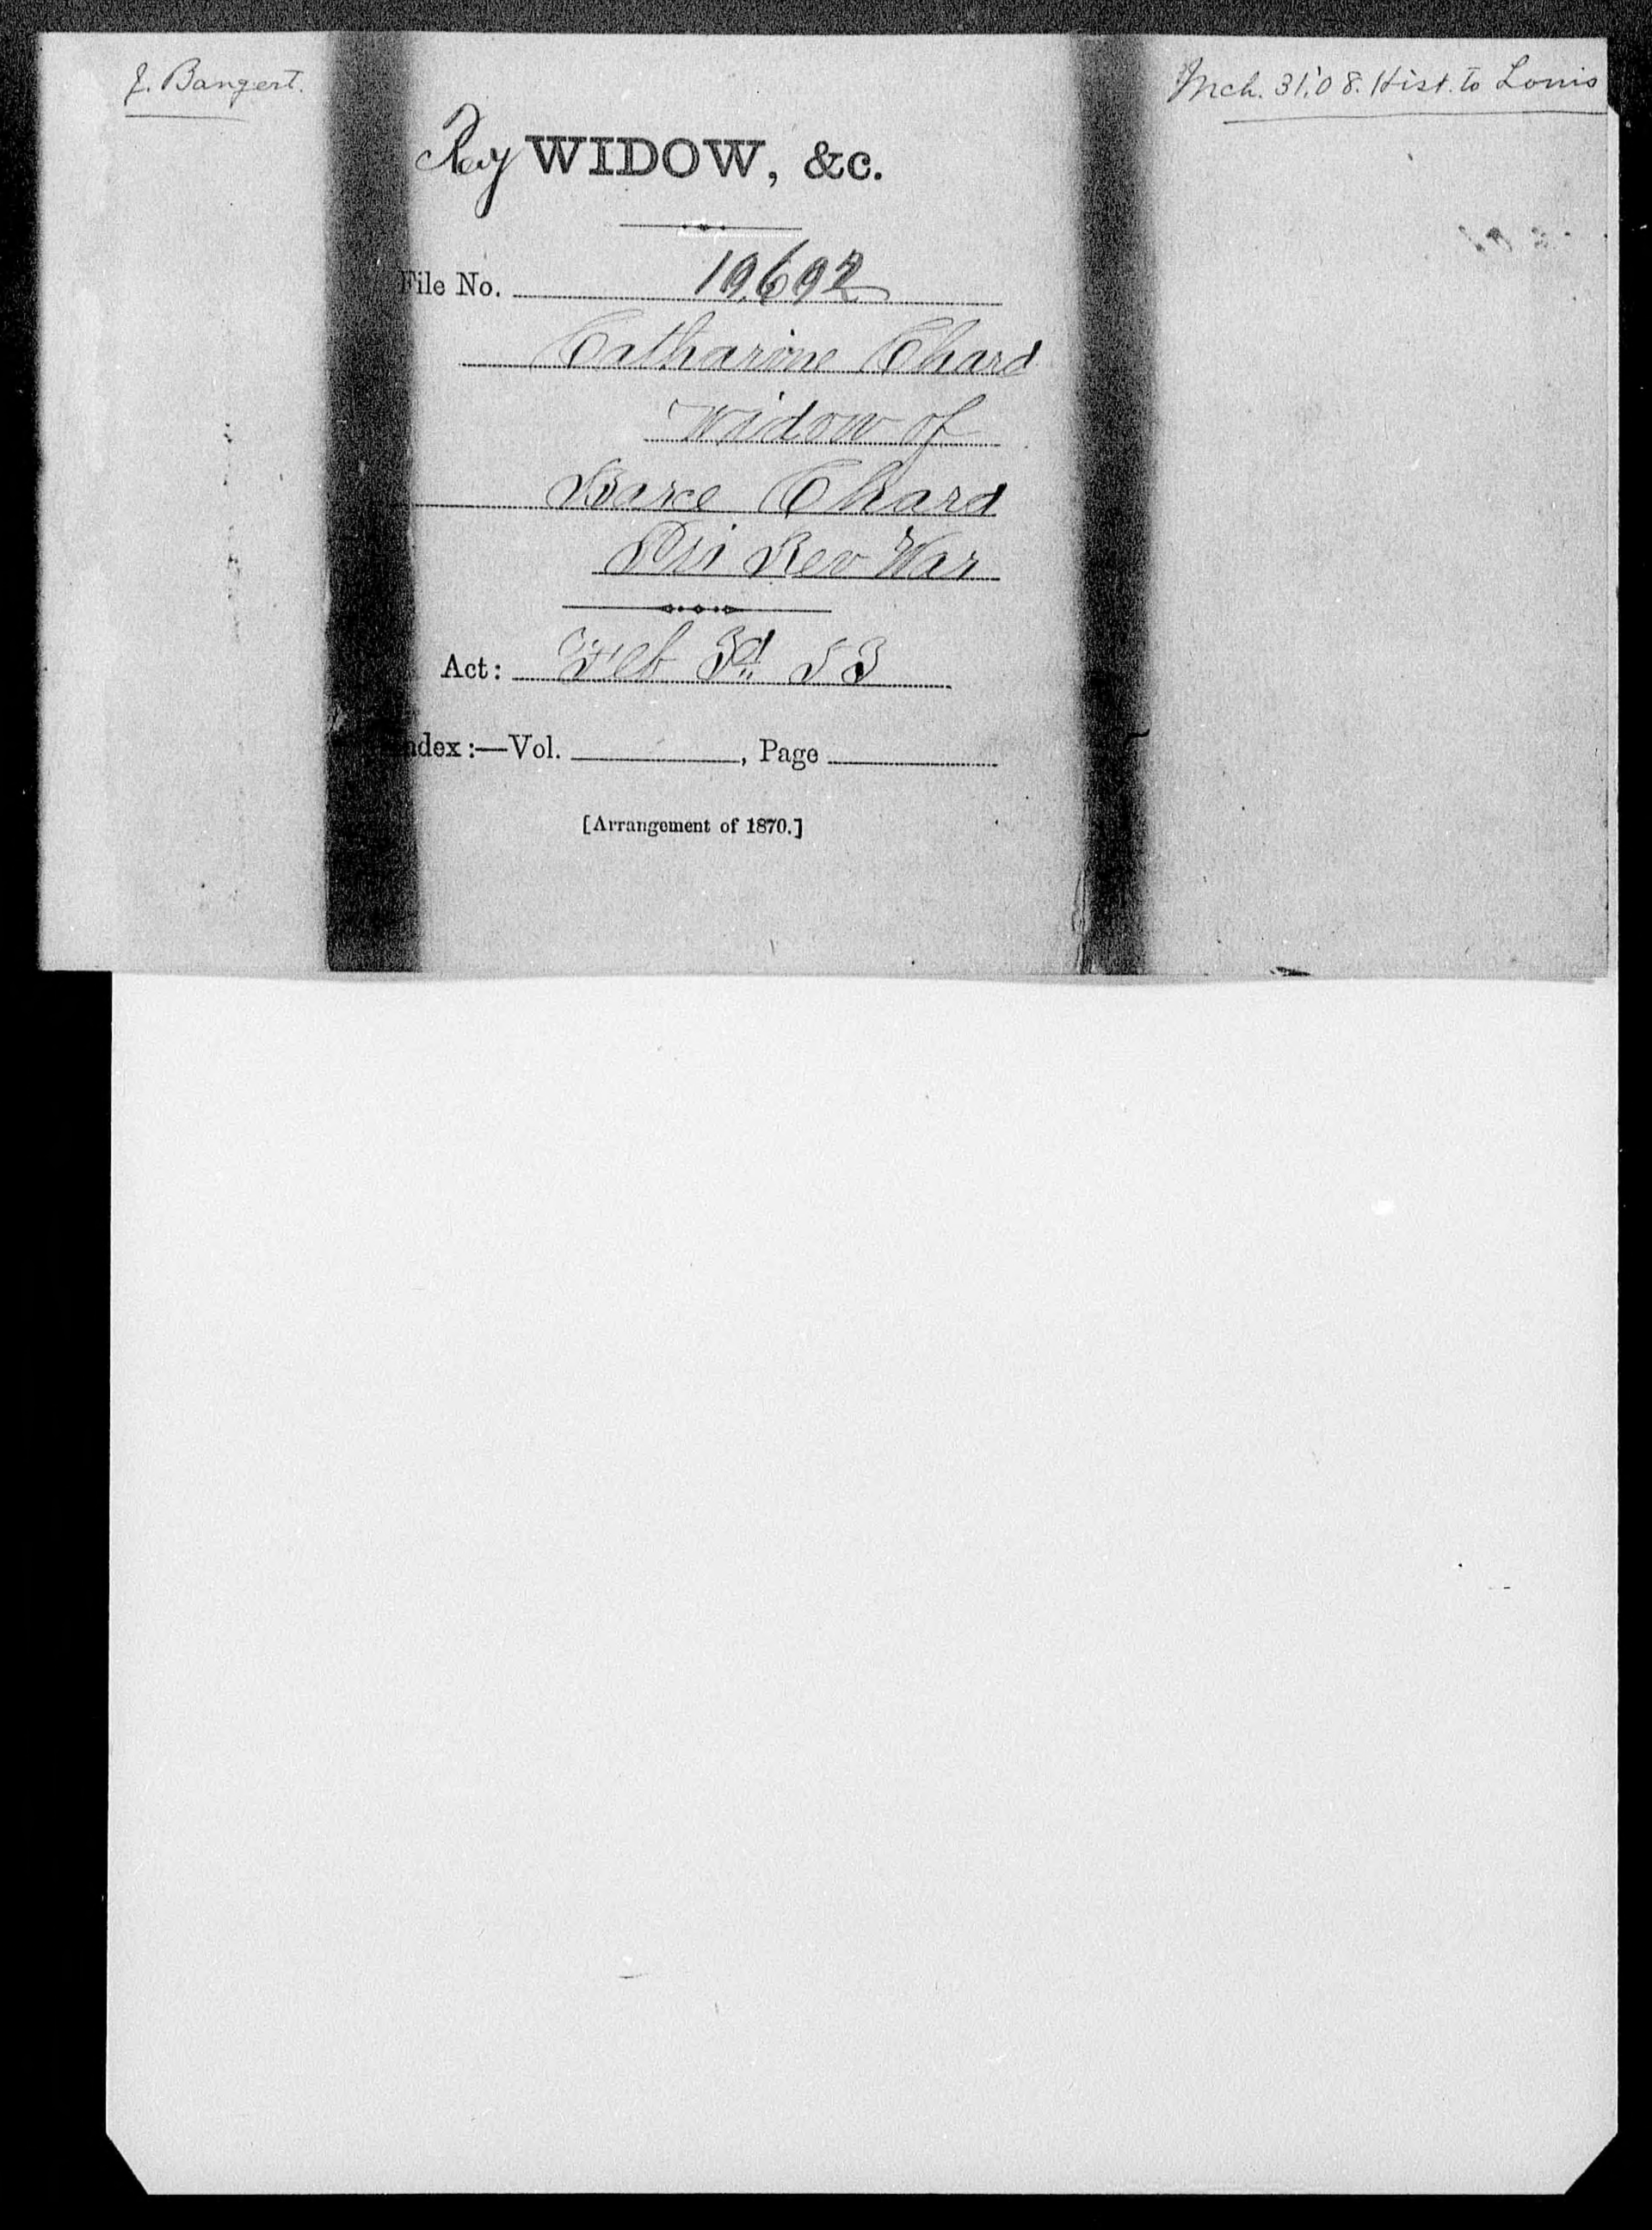Mch. 31, '08 Hist to Louis J. Bangert

Revy WIDOW, &c.
File No. 10, 692
Catharine Chard
Widow of
Barce Chard
Pri Rev War
Act: Feb 3d 53 [?]
Index:-Vol. ___, Page ___
[Arrangement of 1870.]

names: J Bangert, Louis, Barce Chard, Catharine Chard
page: 44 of 47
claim: widow's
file: W. 10,602, Barce Chard, New York.